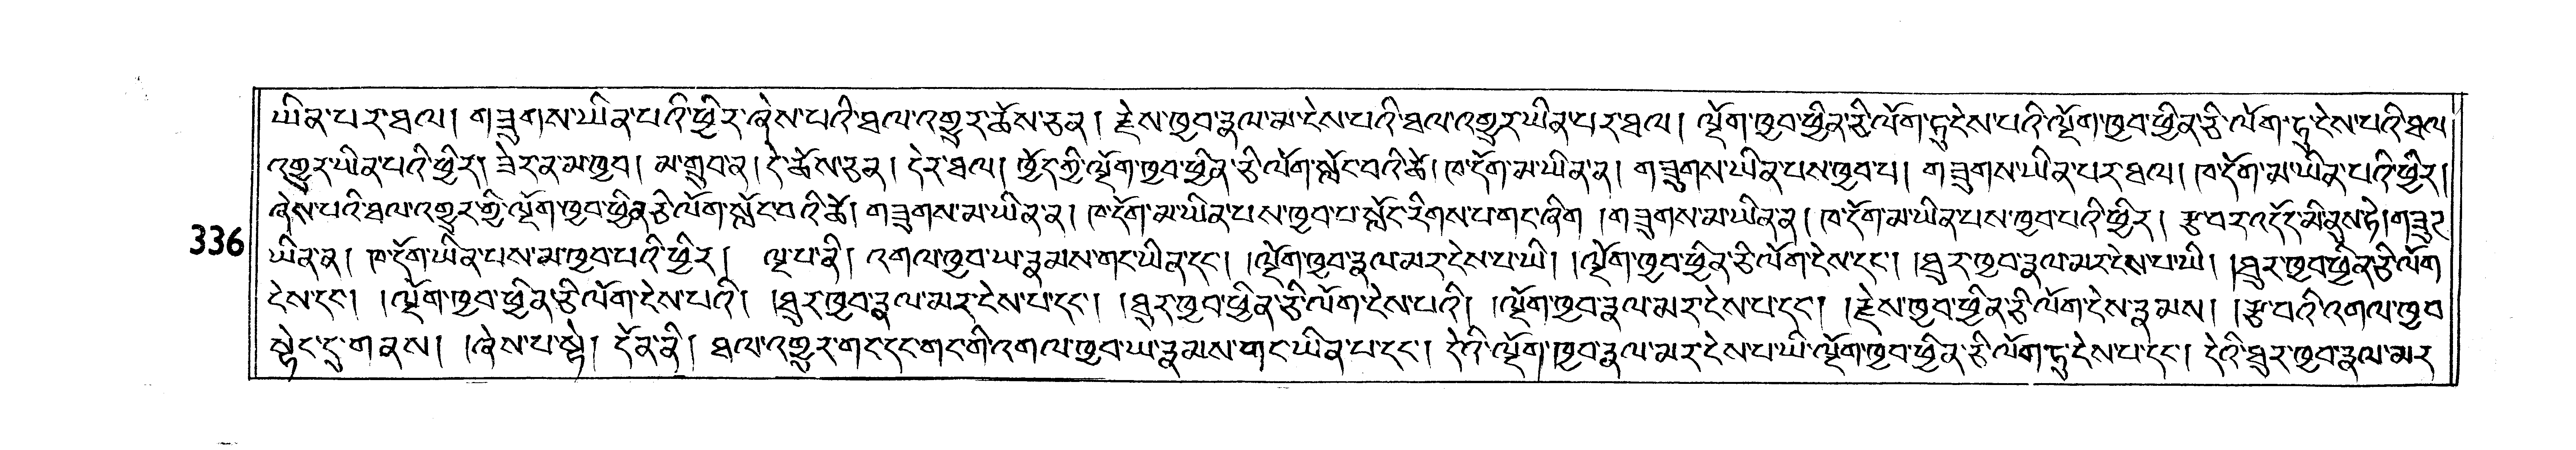ཡིན་པར་ཐལ། གཟུགས་ཡིན་པའི་ཕྱིར་ཞེས་པའི་ཐལ་འགྱུར་ཆོས་ཅན། རྗེས་ཁྱབ་རྣལ་མ་ངེས་པའི་ཐལ་འགྱུར་ཡིན་པར་ཐལ། ལྡོག་ཁྱབ་ཕྱིན་ཅི་ལོག་ཏུ་ངེས་པའི་ལྡོག་ཁྱབ་ཕྱིན་ཅི་ལོག་ཏུ་ངེས་པའི་ཐལ་
འགྱུར་ཡིན་པའི་ཕྱིར། ཟེར་ན་མ་ཁྱབ། མ་གྲུབ་ན། དེ་ཆོས་ཅན། དེར་ཐལ། ཁྱོད་ཀྱི་ལྡོག་ཁྱབ་ཕྱིན་ཅི་ལོག་སློང་བའི་ཚེ། ཁ་དོག་མ་ཡིན་ན། གཟུགས་ཡིན་པས་ཁྱབ་པ། གཟུགས་ཡིན་པར་ཐལ། ཁ་དོག་མ་ཡིན་པའི་ཕྱིར།
ཞེས་པའི་ཐལ་འགྱུར་གྱི་ལྡོག་ཁྱབ་ཕྱིན་ཅི་ལོག་སློང་བའི་ཚེ། གཟུགས་མ་ཡིན་ན། ཁ་དོག་མ་ཡིན་པས་ཁྱབ་པ་སློང་རིགས་པ་གང་ཞིག །གཟུགས་མ་ཡིན་ན། ཁ་དོག་མ་ཡིན་པས་ཁྱབ་པའི་ཕྱིར། རྩ་བར་འདོད་མི་ནུས་ཏེ། གཟུཌ་
ཡིན་ན། ཁ་དོག་ཡིན་པས་མ་ཁྱབ་པའི་ཕྱིར། ལྔ་པ་ནི། འགལ་ཁྱབ་ཡ་རྣམས་གང་ཡིན་དང་། །ལྡོག་ཁྱབ་རྣལ་མར་ངེས་པ་ཡི། །ལྡོག་ཁྱབ་ཕྱིན་ཅི་ལོག་ངེས་དང་། །ཐུར་ཁྱབ་རྣལ་མར་ངེས་པ་ཡི། །ཐུར་ཁྱབ་ཕྱིན་ཅི་ལོག་
ངེས་དང་། །ལྡོག་ཁྱབ་ཕྱིན་ཅི་ལོག་ངེས་པའི། །ཐུར་ཁྱབ་རྣལ་མར་ངེས་པ་དང་། །ཐུར་ཁྱབ་ཕྱིན་ཅི་ལོག་ངེས་པའི། །ལྡོག་ཁྱབ་རྣལ་མར་ངེས་པ་དང་། །རྗེས་ཁྱབ་ཕྱིན་ཅི་ལོག་ངེས་རྣམས། །རྩ་བའི་འགལ་ཁྱབ་
སྟེང་དུ་གནས། །ཞེས་པ་སྟེ། དོན་ནི། ཐལ་འགྱུར་གང་དང་གང་གི་འགལ་ཁྱབ་ཡ་རྣམས་གང་ཡིན་པ་དང་། དེའི་ལྡོག་ཁྱབ་རྣལ་མར་ངེས་པ་ཡི་ལྡོག་ཁྱབ་ཕྱིན་ཅི་ལོག་ཏུ་ངེས་པ་དང་། དེའི་ཐུར་ཁྱབ་རྣལ་མར་